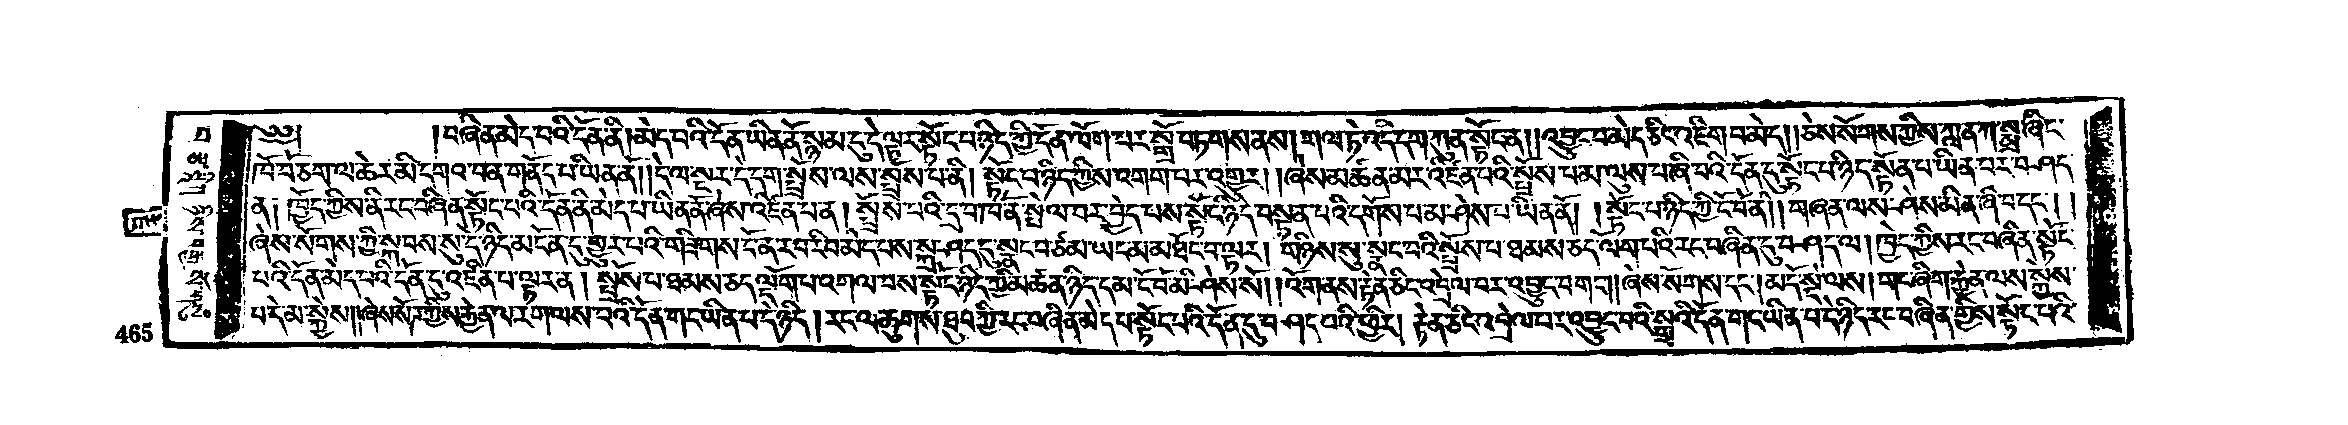༄༅། །བཞིན་མེད་པའི་དོན་ནི། མེད་པའི་དོན་ཡིན་ནོ་སྙམ་དུ་དེ་ལྟར་སྟོང་པ་ཉིད་ཀྱི་དོན་ལོག་པར་སྒོ་བཏགས་ནས། གལ་ཏེ་འདི་དག་ཀུན་སྟོང་ན། །འབྱུང་བ་མེད་ཅིང་འཇིག་པ་མེད། །ཅེས་སོགས་ཀྱིས་ཀླན་ཀ་སྨྲ་ཞིང་
ཁོ་བོ་ཅག་ལ་ཆེར་མི་དགའ་བ་ན་གནོད་པ་ཡིན་ནོ། །དེ་ལ་སྔར་དེ་དག་སྤྲོས་ལས་སྤྲོས་པ་ནི། སྟོང་པ་ཉིད་ཀྱིས་འགག་པར་འགྱུར། །ཞེས་མཚན་མར་འཛིན་པའི་སྐྱེས་པ་མ་ལུས་པ་ཞི་བའི་དོན་དུ་སྟོང་པ་ཉིད་སྟོན་པ་ཡིན་པར་བཤད་
ན། ཁྱོད་ཀྱིས་ནི་རང་བཞིན་སྟོང་པའི་དོན་ནི་མེད་པ་ཡིན་ནོ་ཞེས་འཛིན་པ་ན། སྤྲོས་པའི་དྲ་བ་ཁོ་ན་སྤེལ་བར་བྱེད་པས་སྟོང་ཉིད་བསྟན་པའི་དགོས་པ་མ་ཤེས་པ་ཡིན་ནོ། །སྟོང་པ་ཉིད་ཀྱི་ངོ་བོ་ནི། །གཞན་ལས་ཤེས་མིན་ཞི་བ་དང་། །
ཞེས་སོགས་ཀྱི་སྐབས་སུ་དེ་ཉིད་མངོན་དུ་གྱུར་པའི་གཟིགས་པོ་ན་རབ་རིབ་མེད་པས་སྐྲ་ཤད་དུ་སྣང་བ་ཙམ་ཡང་མ་མཐོང་བ་ལྟར། གཉིས་སུ་སྣང་བའི་སྤྲོས་པ་ཐམས་ཅད་ལོག་པའི་རང་བཞིན་དུ་བཤད་ལ། ཁྱེད་ཀྱིས་རང་བཞིན་སྟོང་
པའི་དོན་མེད་པའི་དོན་དུ་འཛིན་པ་ལྟར་ན། སྤྲོས་པ་ཐམས་ཅད་ལྡོག་པ་འགལ་བས་སྟོང་ཉིད་ཀྱི་མཚན་ཉིད་དམ་ངོ་བོ་མི་ཤེས་སོ། །འོག་ནས་རྟེན་ཅིང་འབྲེལ་བར་འབྱུང་བ་གང་། །ཞེས་སོགས་དང་། མདོ་སྡེ་ལས། གང་ཞིག་རྐྱེན་ལས་སྐྱེས་
པ་དེ་མ་སྐྱེས། །ཞེས་སོར་ཀྱིས་རྐྱེན་ལ་རག་ལས་པའི་དོན་གང་ཡིན་པ་དེ་ཉིད། རང་ལ་ཆུགས་ཐུབ་ཀྱི་རང་བཞིན་མེད་པ་སྟོང་པའི་དོན་དུ་བཤད་པའི་ཕྱིར། རྟེན་ཅིང་འབྲེལ་བར་འབྱུང་བའི་སྒྲའི་དོན་གང་ཡིན་པ་དེ་ཉིད་རང་བཞིན་གྱིས་སྟོང་པའི་